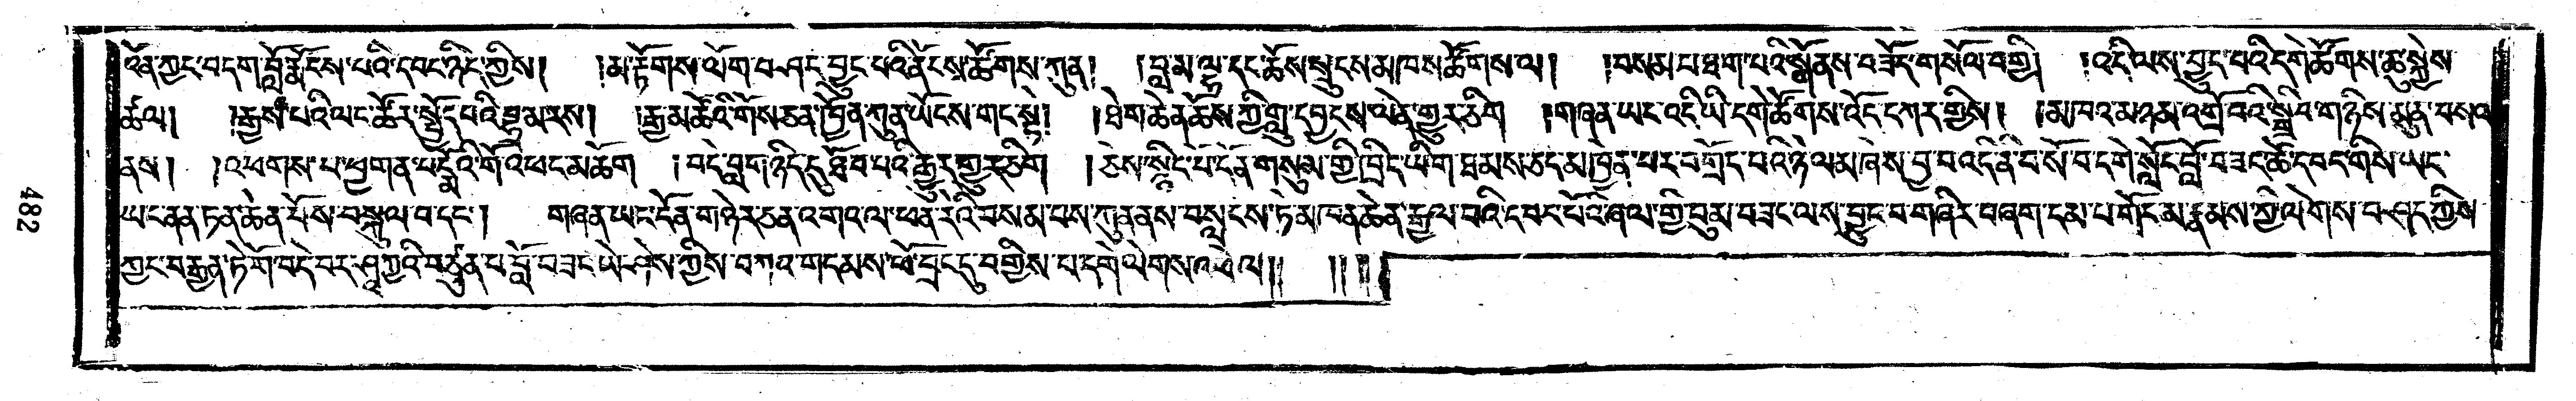འོན་ཀྱང་བདག་བློ་རྨོངས་པའི་དབང་ཉིད་ཀྱིས། །མ་རྟོགས་ལོག་བཤད་བྱུང་བའི་ནོངས་ཚོགས་ཀུན། །བླ་མ་ལྷ་དང་ཆོས་སྲུངས་མཁས་ཚོགས་ལ། །བསམ་པ་ཐག་པའི་སྒོ་ནས་བཟོད་གསོལ་བགྱི། །འདི་ལས་བྱུང་བའི་དགེ་ཚོགས་ཆུ་སྐྱེས་
ཚལ། །རྒྱས་པའི་ལང་ཚོར་སྤྱོད་པའི་བྷ་མ་རས། །རྒྱ་མཚོའི་གོས་ཅན་ཁྱོན་ཀུན་ཡོངས་གང་སྟེ། །ཐེག་ཆེན་ཆོས་ཀྱི་གླུ་དབྱངས་ལེན་གྱུར་ཅིག །གཞན་ཡང་འདི་ཡི་དགེ་ཚོགས་འོད་དཀར་གྱིས། །མཁའ་མཉམ་འགྲོ་བའི་སྒྲིབ་གཉིས་མུན་བསལ་
ནས། །འཕགས་པ་ཕྱག་ན་པདམོའི་གོ་འཕང་མཆོག །བདེ་བླག་ཉིད་དུ་ཐོབ་པའི་རྒྱུར་གྱུར་ཅིག །ཅེས་སྙིང་པོ་དོན་གསུམ་གྱི་ཁྲིད་ཡིག་ཐམས་ཅད་མཁྱེན་པར་བགྲོད་པའི་ཉེ་ལམ་ཞེས་བྱ་བ་འདི་ནི་བ་སོ་བ་དགེ་སློང་བློ་བཟང་ཚེ་དབང་གིས་ཡང་
ཡང་ནན་ཏན་ཆེན་པོས་བསྐུལ་བ་དང་། གཞན་ཡང་དོན་གཉེར་ཅན་འགའ་ལ་ཕན་རེའི་བསམ་པས་ཀུན་ནས་བསླངས་ཏེ་མཁན་ཆེན་རྒྱལ་བའི་དབང་པོའི་ཞལ་གྱི་བུམ་བཟང་ལས་བྱུང་བ་གཞིར་བཞག་དམ་པ་གོང་མ་རྣམས་ཀྱི་ལེགས་བཤད་ཀྱིས་
ཀྱང་བརྒྱན་ཏེ་གོ་བདེ་བར་ཤཱཀྱའི་བཙུན་པ་བློ་བཟང་ཡེ་ཤེས་ཀྱིས་བཀའ་གདམས་ཕོ་བྲང་དུ་བགྱིས་པ་དགེ་ལེགས་འཕེལ།། །། །།